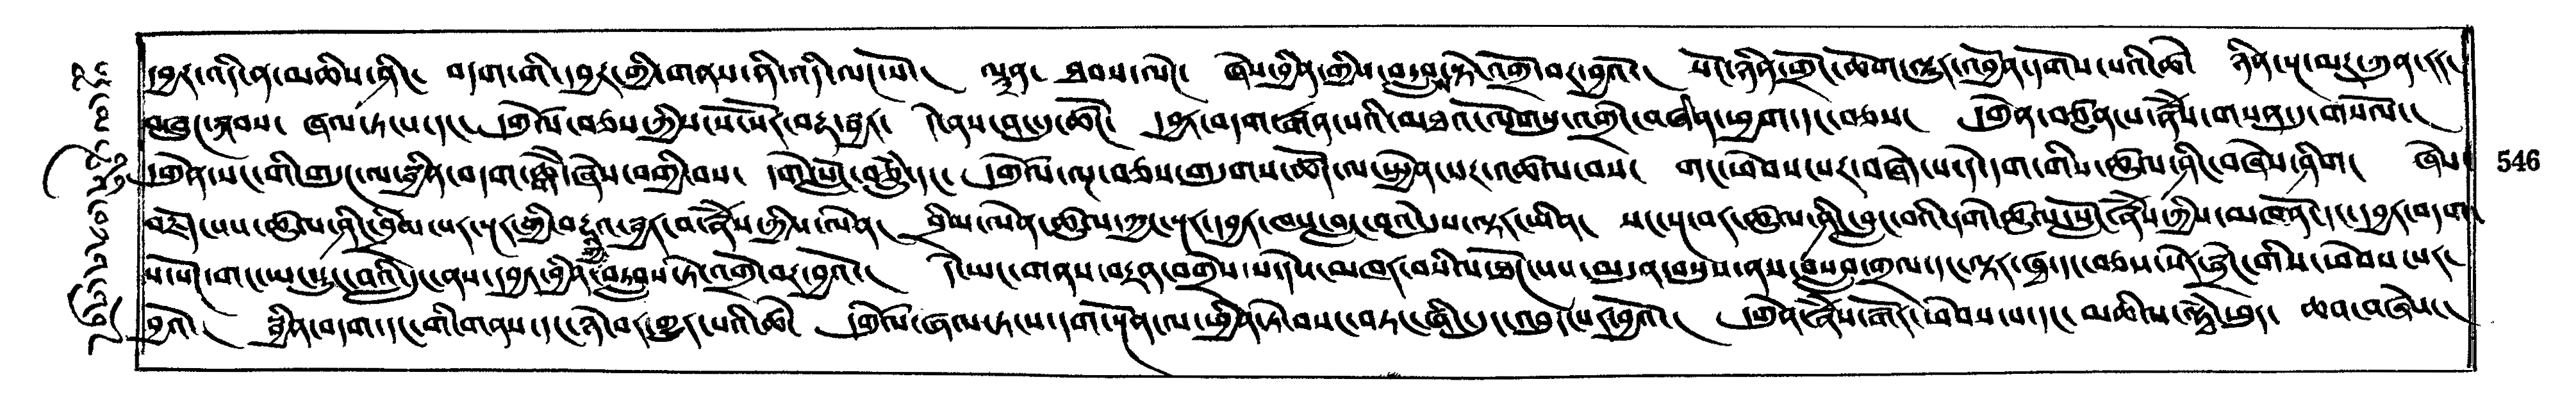འདི་ན་མཆིས་ཤིང་། བདག་གི་དབྱར་གྱི་གནས་ནི་འདི་ལགས་སོ།། ལན་གསུམ། ཐབས་ལེགས། ཞེས་བྱིན་གྱིས་བརླབས་ཏཻ་འགྲོ་བར་བྱའོ།། སང་ཉིན་གྲོང་ཆོག་ལྟ་བུར་འབྱོན་དགོས་པའི་ཚེ། ཉིན་སྔ་མར་ཀུན་རར་
བཞུགས་སྐབས། ཞལ་ཏ་པ་དང་། དགེ་ཚུལ་བཅས་ཀྱིས་སོ་སོར་བརྡ་སྦྱར། དེ་ནས་ནང་དུ་ཚོགས། དབྱར་བདག་རྒན་པའི་མཐའ་ལོགས་སུ་འགྲེང་བཞིན་ཕྱག་དང་བཅས། དགེ་འདུན་བཙུན་པ་རྣམས་གསན་དུ་གསཽལ། 
དགེ་འདུན་སང་གི་གདུགས་ལ་སྦྱིན་བདག་ཆེ་གེ་ཞེས་བགྱི་བས། དགེ་སློང་བཅུ་གསུམ་དང་། དགེ་ཚུལ་ལྔ་བཅས་གདུགས་ཚོད་ལ་སྤྱན་འདྲེན་པར་འཚལ་བས། གང་ཕེབས་པར་བཞེས་པ་དེ་དག་གིས་ཚུལ་ཤིང་བཞེས་ཤིག ཅེས་
བརྗོད་པས་ཚུལ་ཤིང་བྲིམ་པར་སྔར་གྱི་བརྡའ་སྦྱར་བ་རྣམས་ཀྱིས་ལེན། བྲིམ་ལེན་ཚུལ་ཡང་སྔར་དབྱར་ཁས་བླངས་པའི་དུས་ལྟར་ཡིན། སང་སྔ་བར་ཚུལ་ཤིང་བླངས་པའི་དགེ་ཚུལ་སློང་རྣམས་ཀྱིས་མཁན་པོ་དང་དབྱར་བདག་
པ་སོགས་གང་ཡང་རུང་བའི་དྲུང་ནས་དབྱར་བྱིན་གྱིས་བརླབས་ཏེ་འགྲོ་བར་བྱའོ།། དེ་ཡང་གནས་བརྟན་བགྲེས་པ་དེས་མཁར་བསིལ་ཐོགས་པས་མདུན་བསུས་ནས་བསླབ་གྲལ་ལྟར་ཞྭ་དང་བཅས་སེར་སྦྲེངས་ཀྱིས་ཕེབས་པར་
བྱའོ།། སྦྱིན་བདག་གང་གི་གནས་དང་ཉེ་བར་གྱུར་པའི་ཚེ། དགེ་ཚུལ་ཞལ་ཏ་པ་དག་སྔོན་ལ་ཕྱིན་ཏེ་བསང་བཏང་ཞིང་དུང་འབུད་པར་བྱའོ།། དགེ་འདུན་རྣམས་སྒོར་ཕེབས་པ་དང་མཆིལ་ལྷམ་ཕུད། ཆབ་བཞེས།